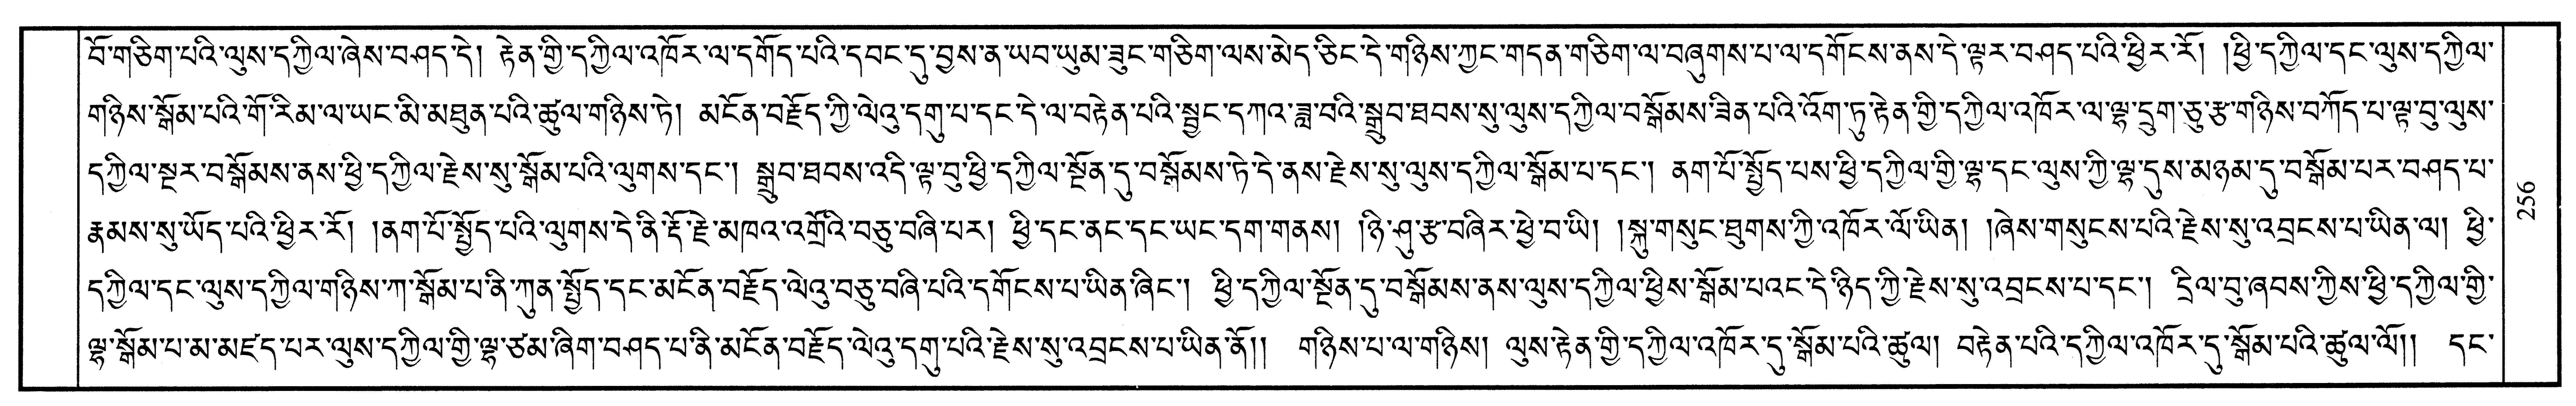བོ་གཅིག་པའི་ལུས་དཀྱིལ་ཞེས་བཤད་དེ། རྟེན་གྱི་དཀྱིལ་འཁོར་ལ་དགོད་པའི་དབང་དུ་བྱས་ན་ཡབ་ཡུམ་ཟུང་གཅིག་ལས་མེད་ཅིང་དེ་གཉིས་ཀྱང་གདན་གཅིག་ལ་བཞུགས་པ་ལ་དགོངས་ནས་དེ་ལྟར་བཤད་པའི་ཕྱིར་རོ། །ཕྱི་དཀྱིལ་དང་ལུས་དཀྱིལ་
གཉིས་སྒོམ་པའི་གོ་རིམ་ལ་ཡང་མི་མཐུན་པའི་ཚུལ་གཉིས་ཏེ། མངོན་བརྗོད་ཀྱི་ལེའུ་དགུ་པ་དང་དེ་ལ་བརྟེན་པའི་སྦྱང་དཀའ་ཟླ་བའི་སྒྲུབ་ཐབས་སུ་ལུས་དཀྱིལ་བསྒོམས་ཟིན་པའི་འོག་ཏུ་རྟེན་གྱི་དཀྱིལ་འཁོར་ལ་ལྷ་དྲུག་ཅུ་རྩ་གཉིས་བཀོད་པ་ལྟ་བུ་ལུས་
དཀྱིལ་སྔར་བསྒོམས་ནས་ཕྱི་དཀྱིལ་རྗེས་སུ་སྒོམ་པའི་ལུགས་དང་། སྒྲུབ་ཐབས་འདི་ལྟ་བུ་ཕྱི་དཀྱིལ་སྔོན་དུ་བསྒོམས་ཏེ་དེ་ནས་རྗེས་སུ་ལུས་དཀྱིལ་སྒོམ་པ་དང་། ནག་པོ་སྤྱོད་པས་ཕྱི་དཀྱིལ་གྱི་ལྷ་དང་ལུས་ཀྱི་ལྷ་དུས་མཉམ་དུ་བསྒོམ་པར་བཤད་པ་
རྣམས་སུ་ཡོད་པའི་ཕྱིར་རོ། །ནག་པོ་སྤྱོད་པའི་ལུགས་དེ་ནི་རྡོ་རྗེ་མཁའ་འགྲོའི་བཅུ་བཞི་པར། ཕྱི་དང་ནང་དང་ཡང་དག་གནས། །ཉི་ཤུ་རྩ་བཞིར་ཕྱེ་བ་ཡི། །སྐུ་གསུང་ཐུགས་ཀྱི་འཁོར་ལོ་ཡིན། །ཞེས་གསུངས་པའི་རྗེས་སུ་འབྲངས་པ་ཡིན་ལ། ཕྱི་
དཀྱིལ་དང་ལུས་དཀྱིལ་གཉིས་ཀ་སྒོམ་པ་ནི་ཀུན་སྤྱོད་དང་མངོན་བརྗོད་ལེའུ་བཅུ་བཞི་པའི་དགོངས་པ་ཡིན་ཞིང་། ཕྱི་དཀྱིལ་སྔོན་དུ་བསྒོམས་ནས་ལུས་དཀྱིལ་ཕྱིས་སྒོམ་པའང་དེ་ཉིད་ཀྱི་རྗེས་སུ་འབྲངས་པ་དང་། དྲིལ་བུ་ཞབས་ཀྱིས་ཕྱི་དཀྱིལ་གྱི་
ལྷ་སྒོམ་པ་མ་མཛད་པར་ལུས་དཀྱིལ་གྱི་ལྷ་ཙམ་ཞིག་བཤད་པ་ནི་མངོན་བརྗོད་ལེའུ་དགུ་པའི་རྗེས་སུ་འབྲངས་པ་ཡིན་ནོ།། གཉིས་པ་ལ་གཉིས། ལུས་རྟེན་གྱི་དཀྱིལ་འཁོར་དུ་སྒོམ་པའི་ཚུལ། བརྟེན་པའི་དཀྱིལ་འཁོར་དུ་སྒོམ་པའི་ཚུལ་ལོ།། དང་